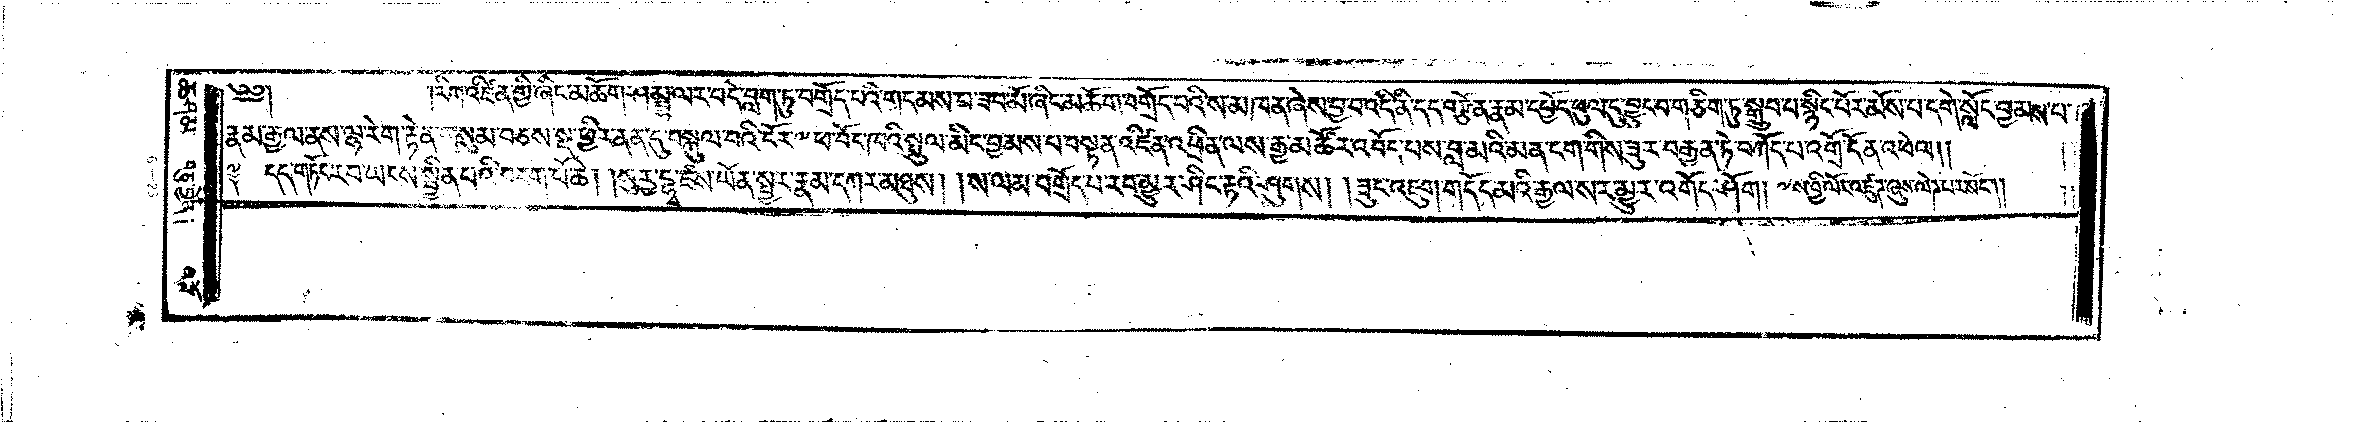༄༅། །རིག་འཛིན་གྱི་ཞིང་མཆོག་ཤམྦྷ་ལར་བདེ་བླག་ཏུ་བགྲོད་པའི་གདམས་བ་ཟབ་མོ་ཞིང་མཆོག་བགྲོད་པའི་ས་མཁན་ཞེས་བྱ་བ་འདི་ནི་དད་བརྩོན་རྣམ་དཔྱོད་ཕུལ་དུ་བྱུང་བ་གཅིག་ཏུ་སྒྲུབ་པ་སྙིང་པོར་མོས་པ་དགེ་སློང་བྱམས་པ་
རྣམ་རྒྱལ་ནས་ལྷ་རེག་རྟེན་གསུམ་བཅས་སྔ་ཕྱིར་ནན་དུ་བསྐུལ་བའི་ངོར ༧ཕ་བོང་ཁའི་སྤྲུལ་མིང་བྱམས་པ་བསྟན་འཛིན་འཕྲིན་ལས་རྒྱ་མཚོར་འབོད་པས་བླ་མའི་མན་ངག་གིས་ཟུར་བརྒྱན་ཏེ་བཀོད་པ་འགྲོ་དོན་འཕེལ།། །།
༈ དད་གཏོང་རབ་ཡངས་སྦྱིན་པའི་བདག་པོ་ཆེ། །སུརྱ་དྷྭ་ཛས་ཡོན་སྦྱར་རྣམ་དཀར་མཐུས། །ས་ལམ་བགྲོད་པ་རབ་མྱུར་ཤིང་རྟའི་ཤུགས། །ཟུང་འཇུག་གདོད་མའི་རྒྱལ་སར་མྱུར་འགོད་ཤོག། ༧ས་བྱི་ལོར་འཛུཌ་ཞུས་ལེཌ་པར་སོང།།  །།